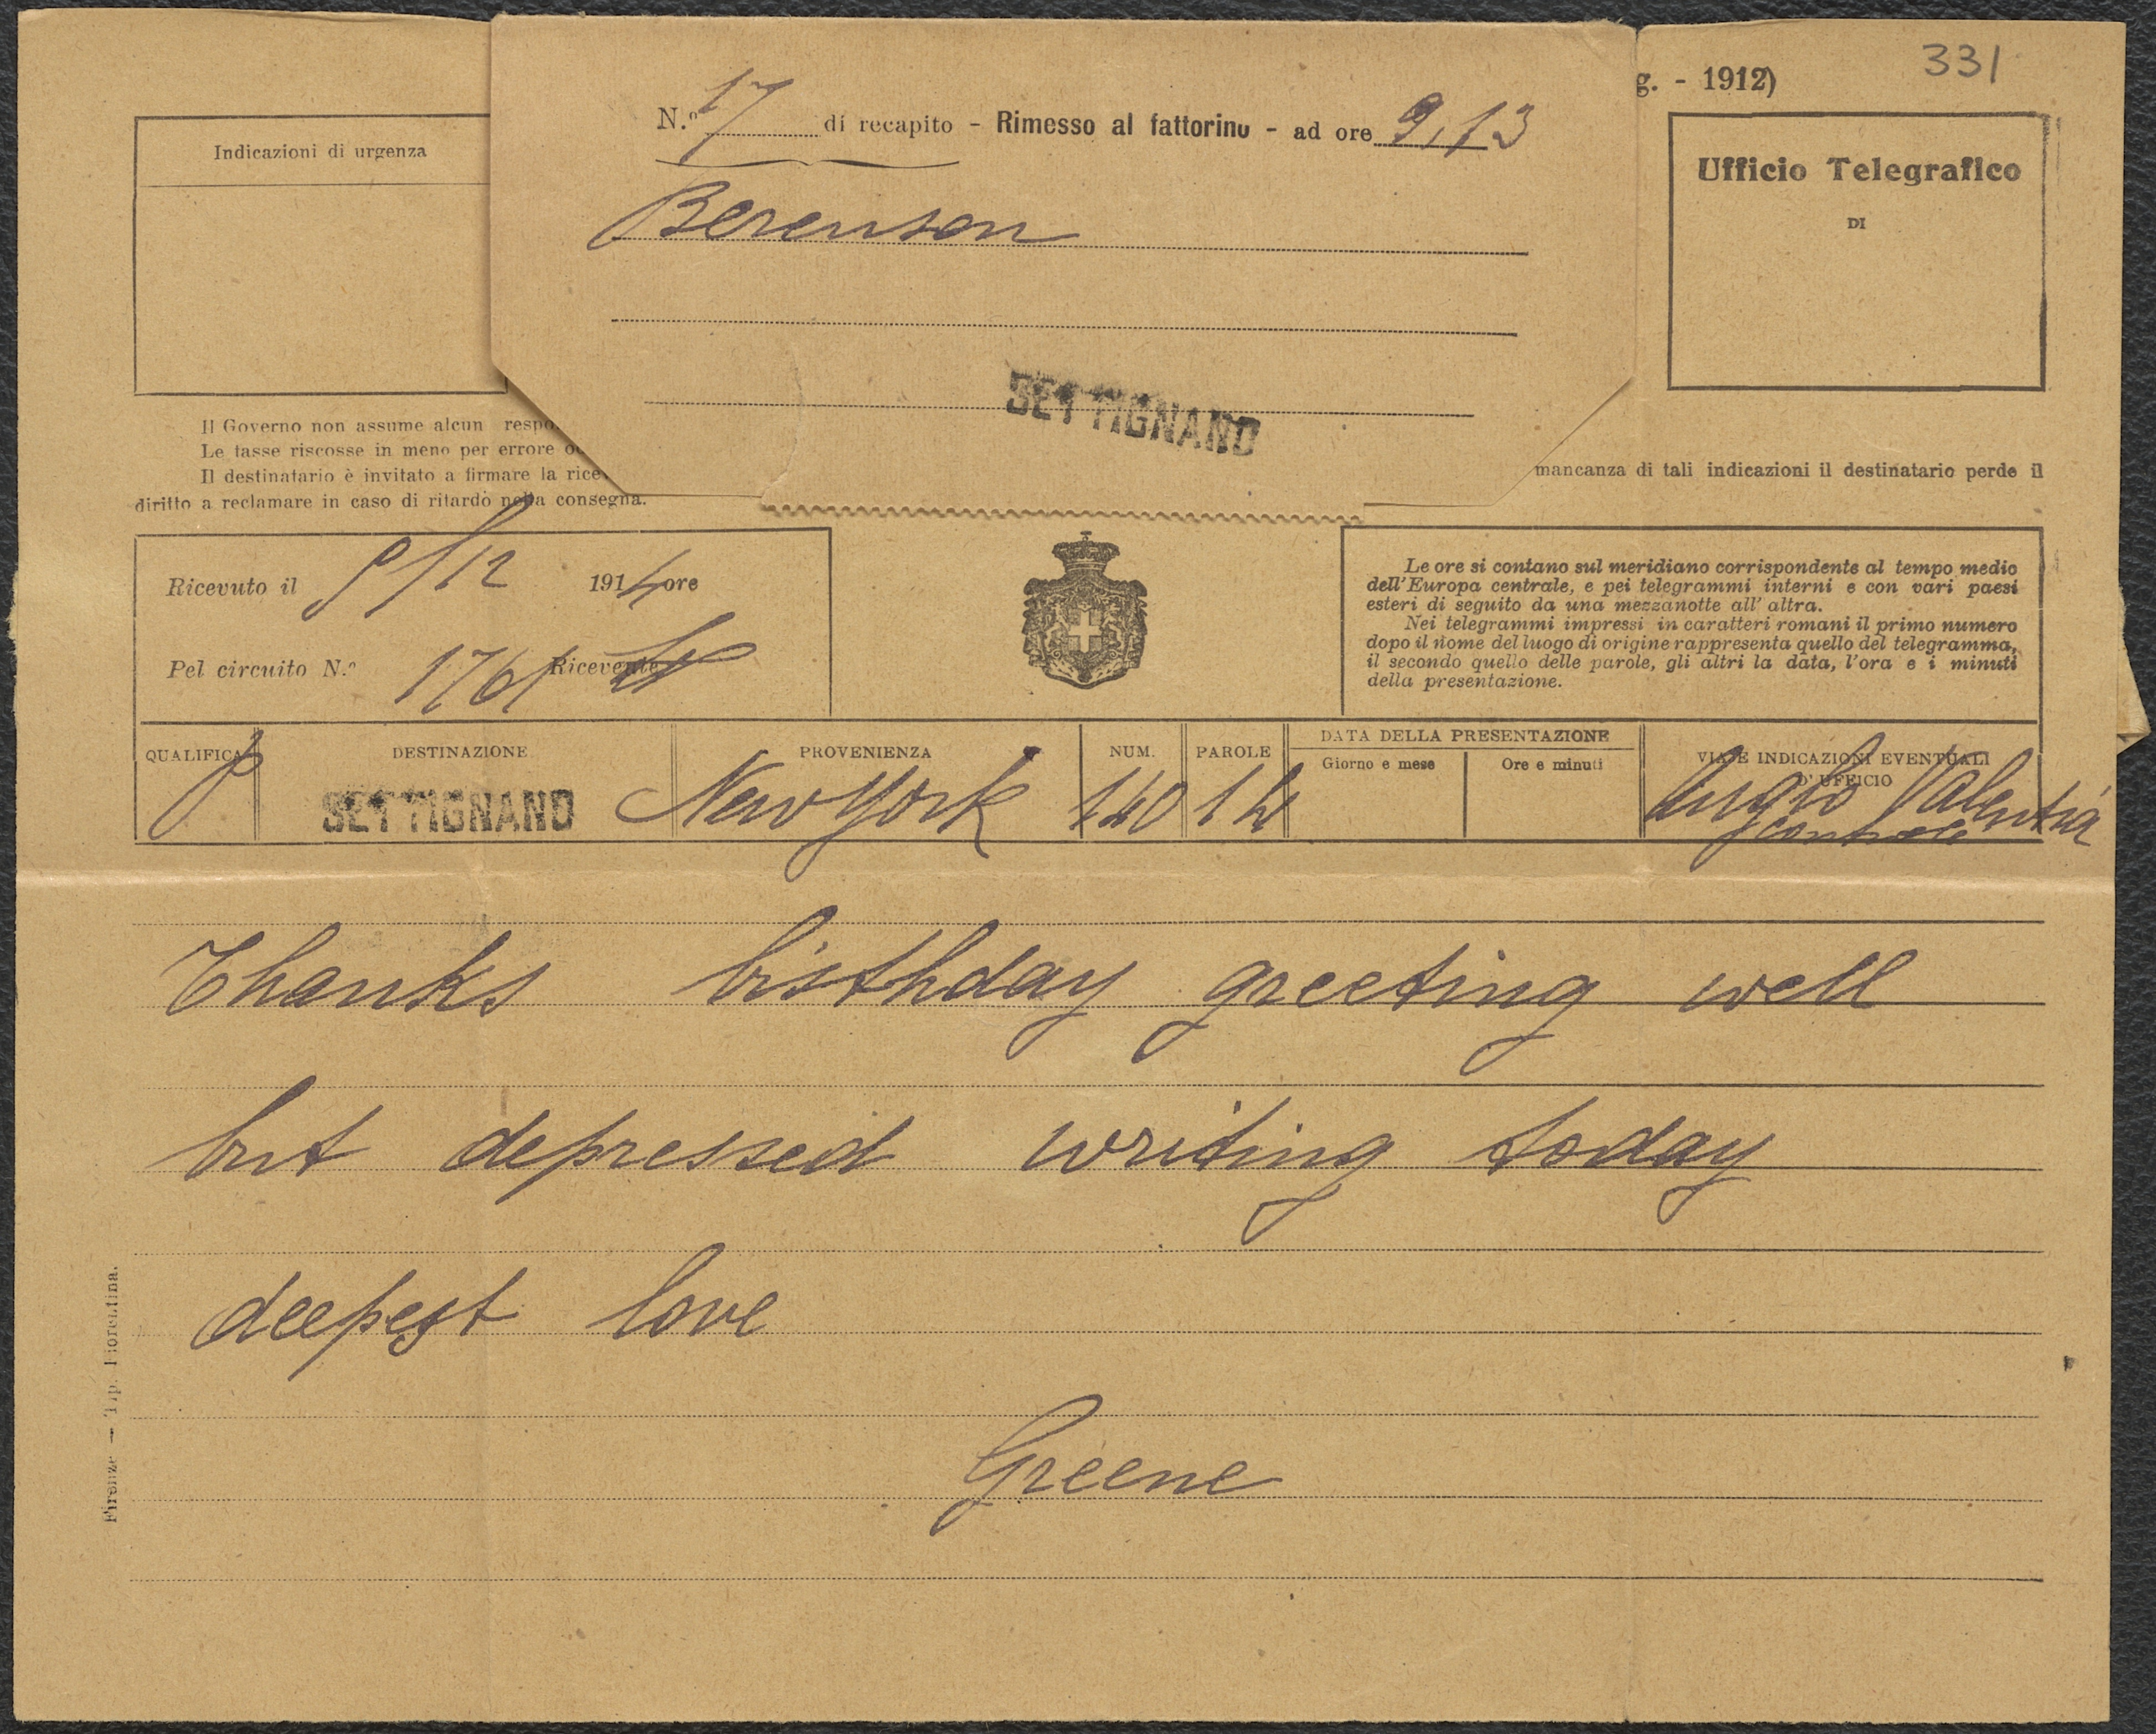Thanks birthday greeting well but depressed writing today
deepest love
Greene